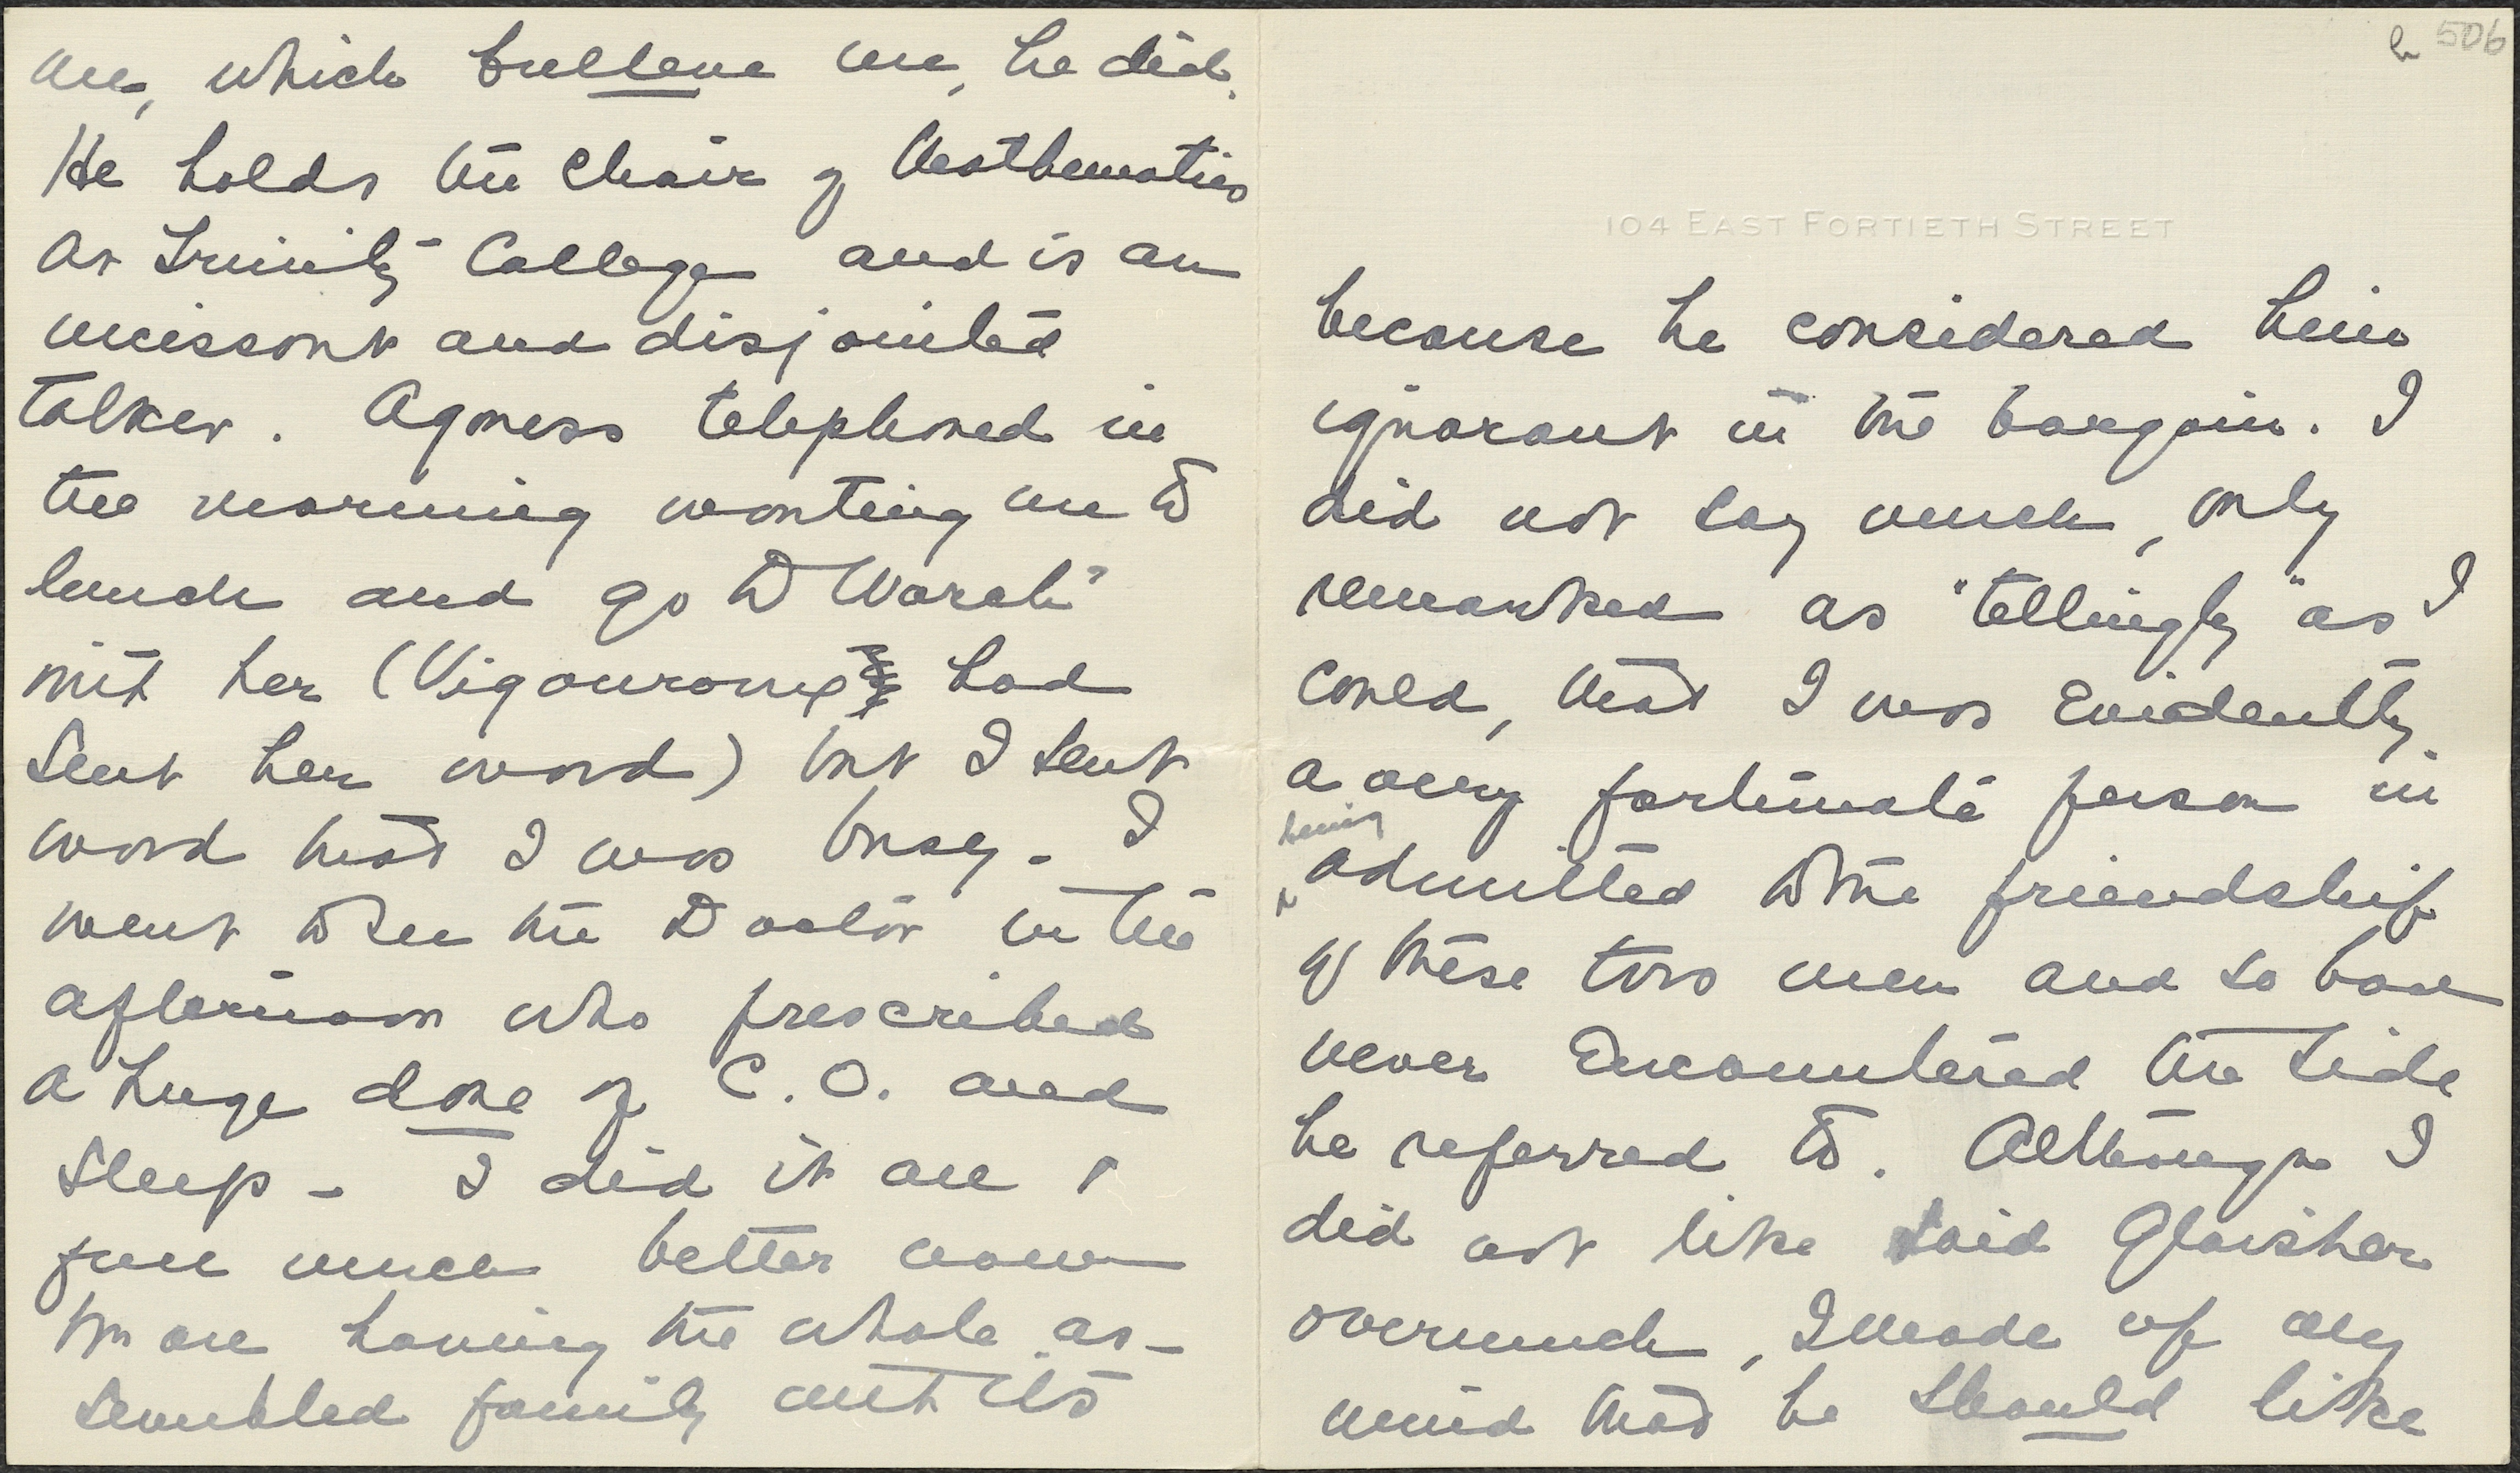because he considered him ignorant in the bargain. I did not say much, only remarked as “tellingly” as I could, that I was evidently a very fortunate person in [^being^] admitted to the friendship of these two men and so have never encountered the side he referred to. Although I did not like said Glaisher overmuch, I made up my mind that he should like
me, which bulleve me, he did. He holds the chair of mathematics at Trinity College and is an incessant and disjointed talker. Agoness telephoned in the morning inviting me to lunch and to go to Worch with her (Vigouroux) had sent her word) but I sent word that I was busy – I went to see the Doctor in the afternoon who prescribed a huge dose of C.O. and sleep – I did it all & feel much better now – We are having the whole assembled family with its